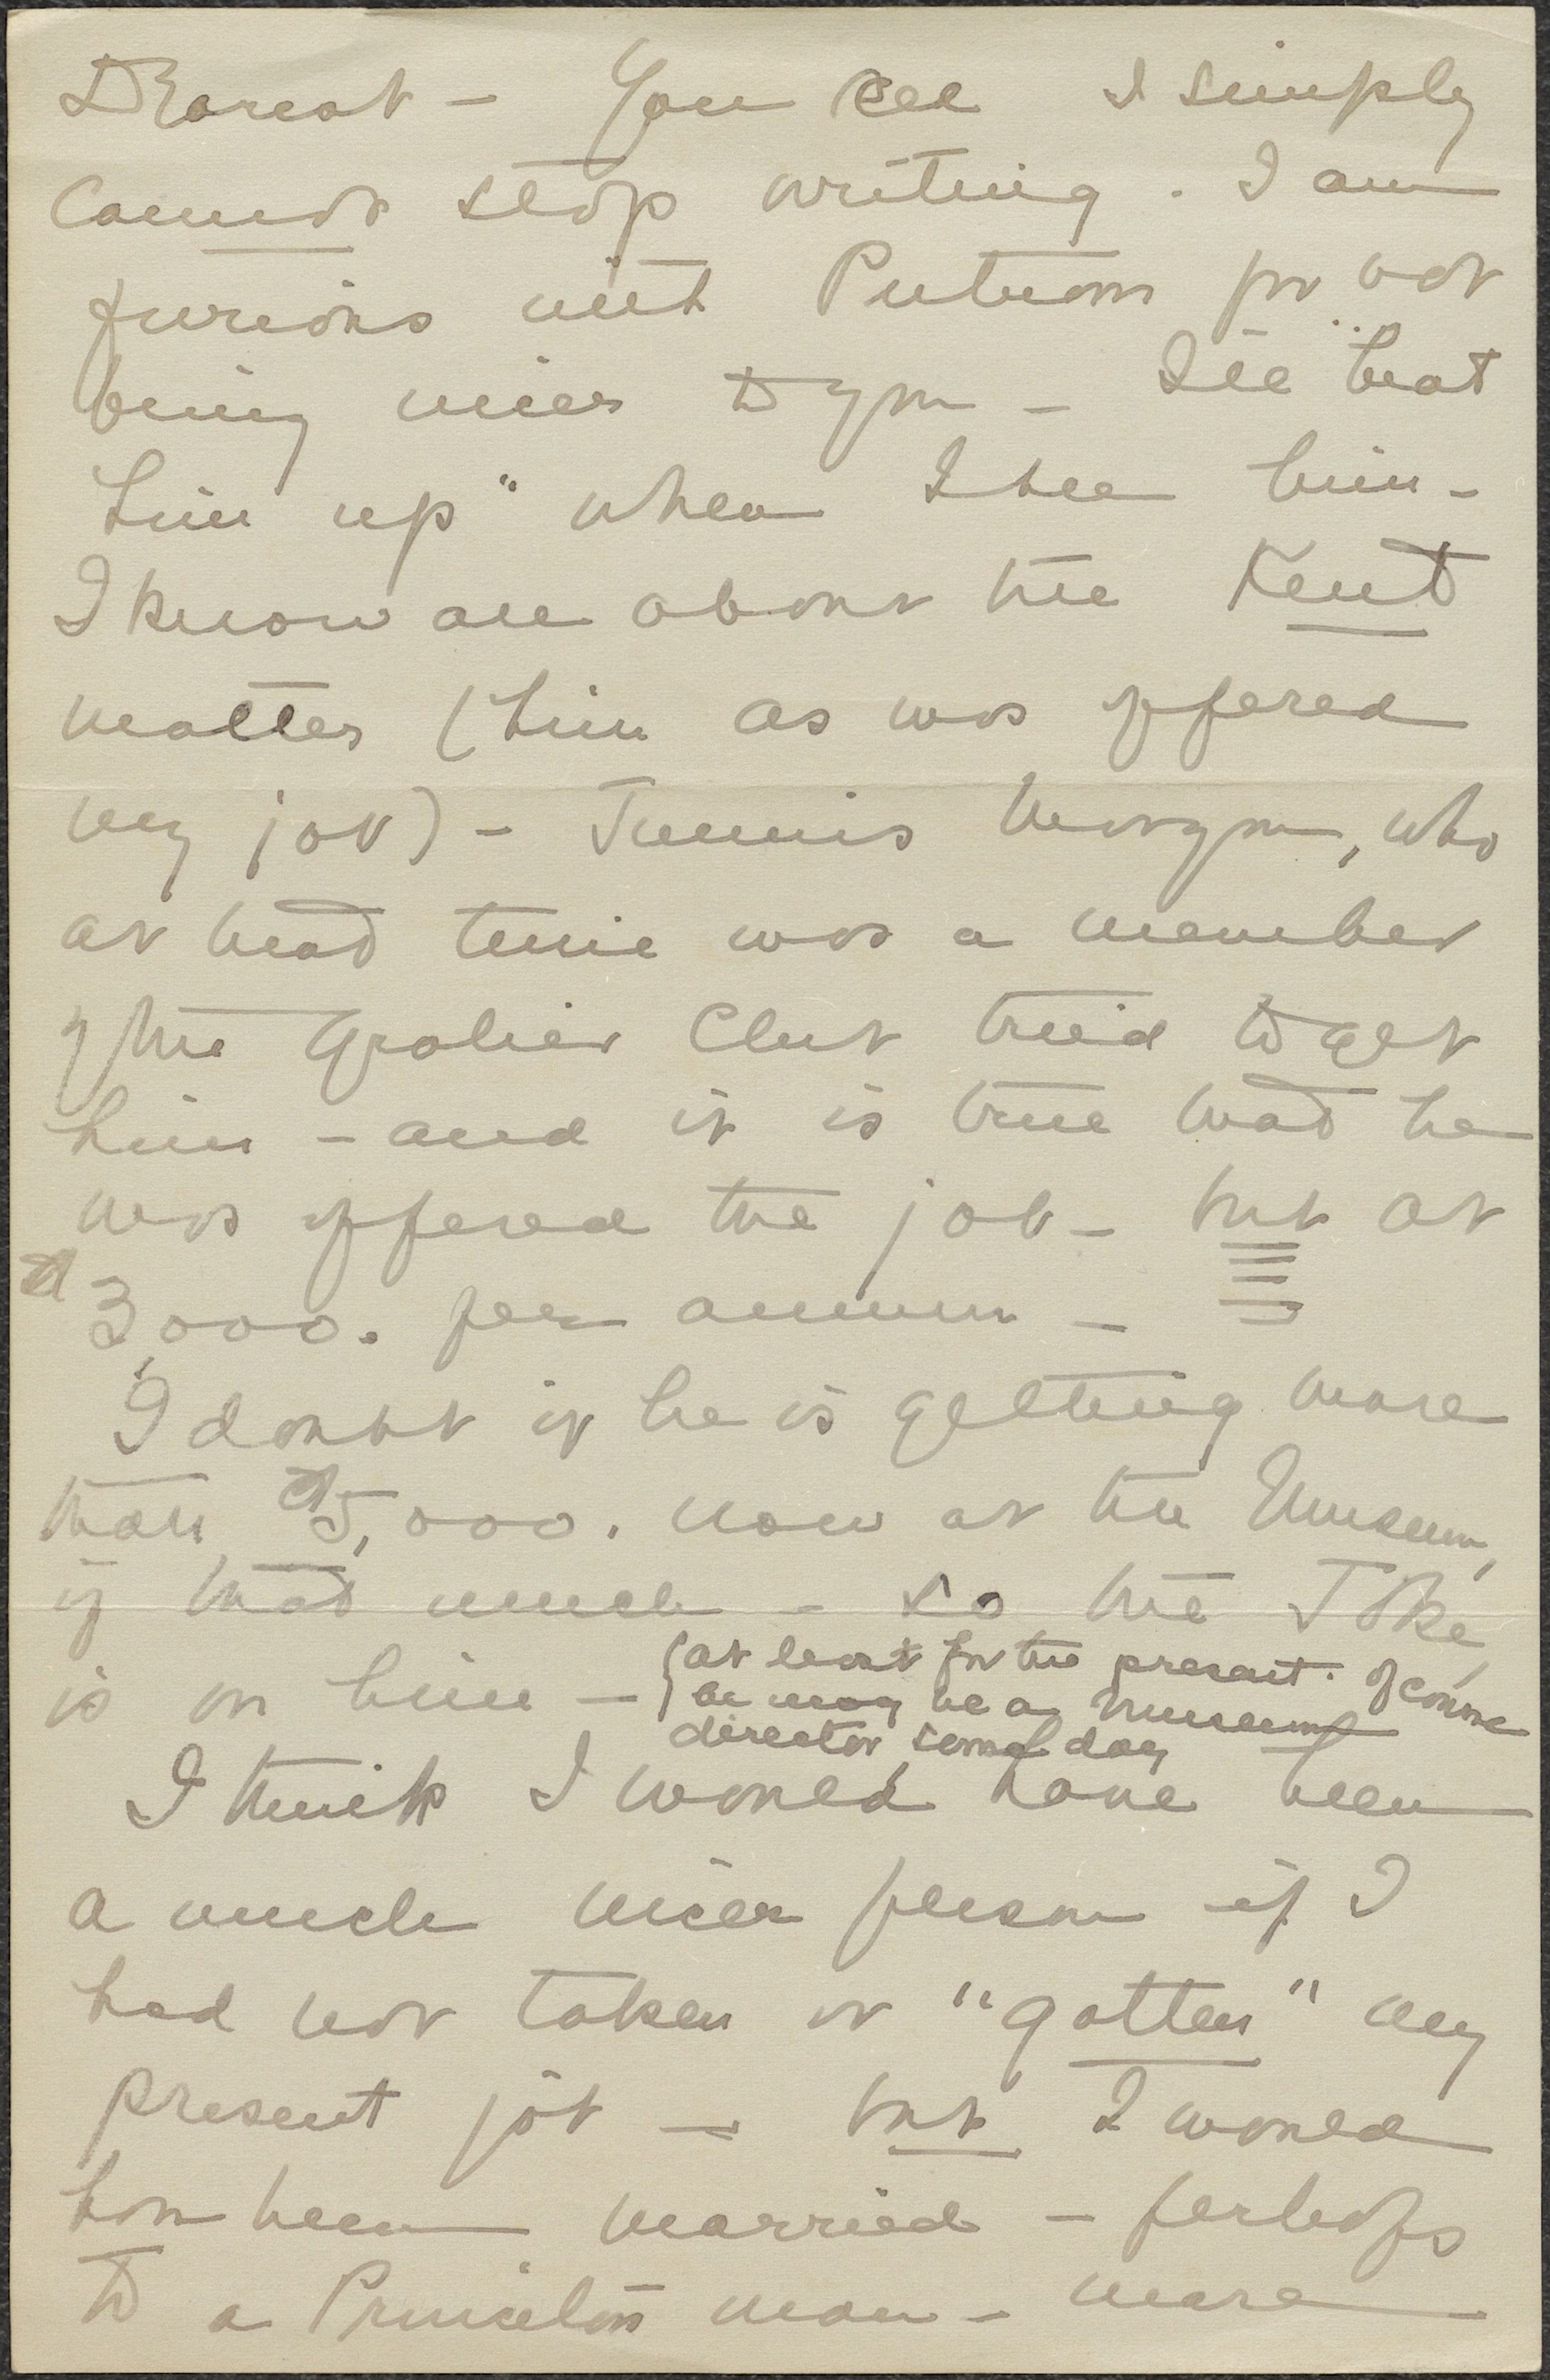Dearest – You see I simply cannot stop writing. I am furious with Putnam for not being nicer to you – I’ll “beat him up” when I see him – I know all about the Kent matter (him as was offered my job) – Junius Morgan, who at that time was a member of the Grolier Club tried to get him – and it is true that he was offered the job – [quintuple underlined: but] at $3000. per annum –
I doubt if he is getting more than $5,000. now at the Museum, if that much – so the Joke is on him – at least for the present of course he may be a museum director some day
I think I would have been a much nicer person if I had not taken or “gotten” my present job – but I would have been married – perhaps to a Princeton man – more